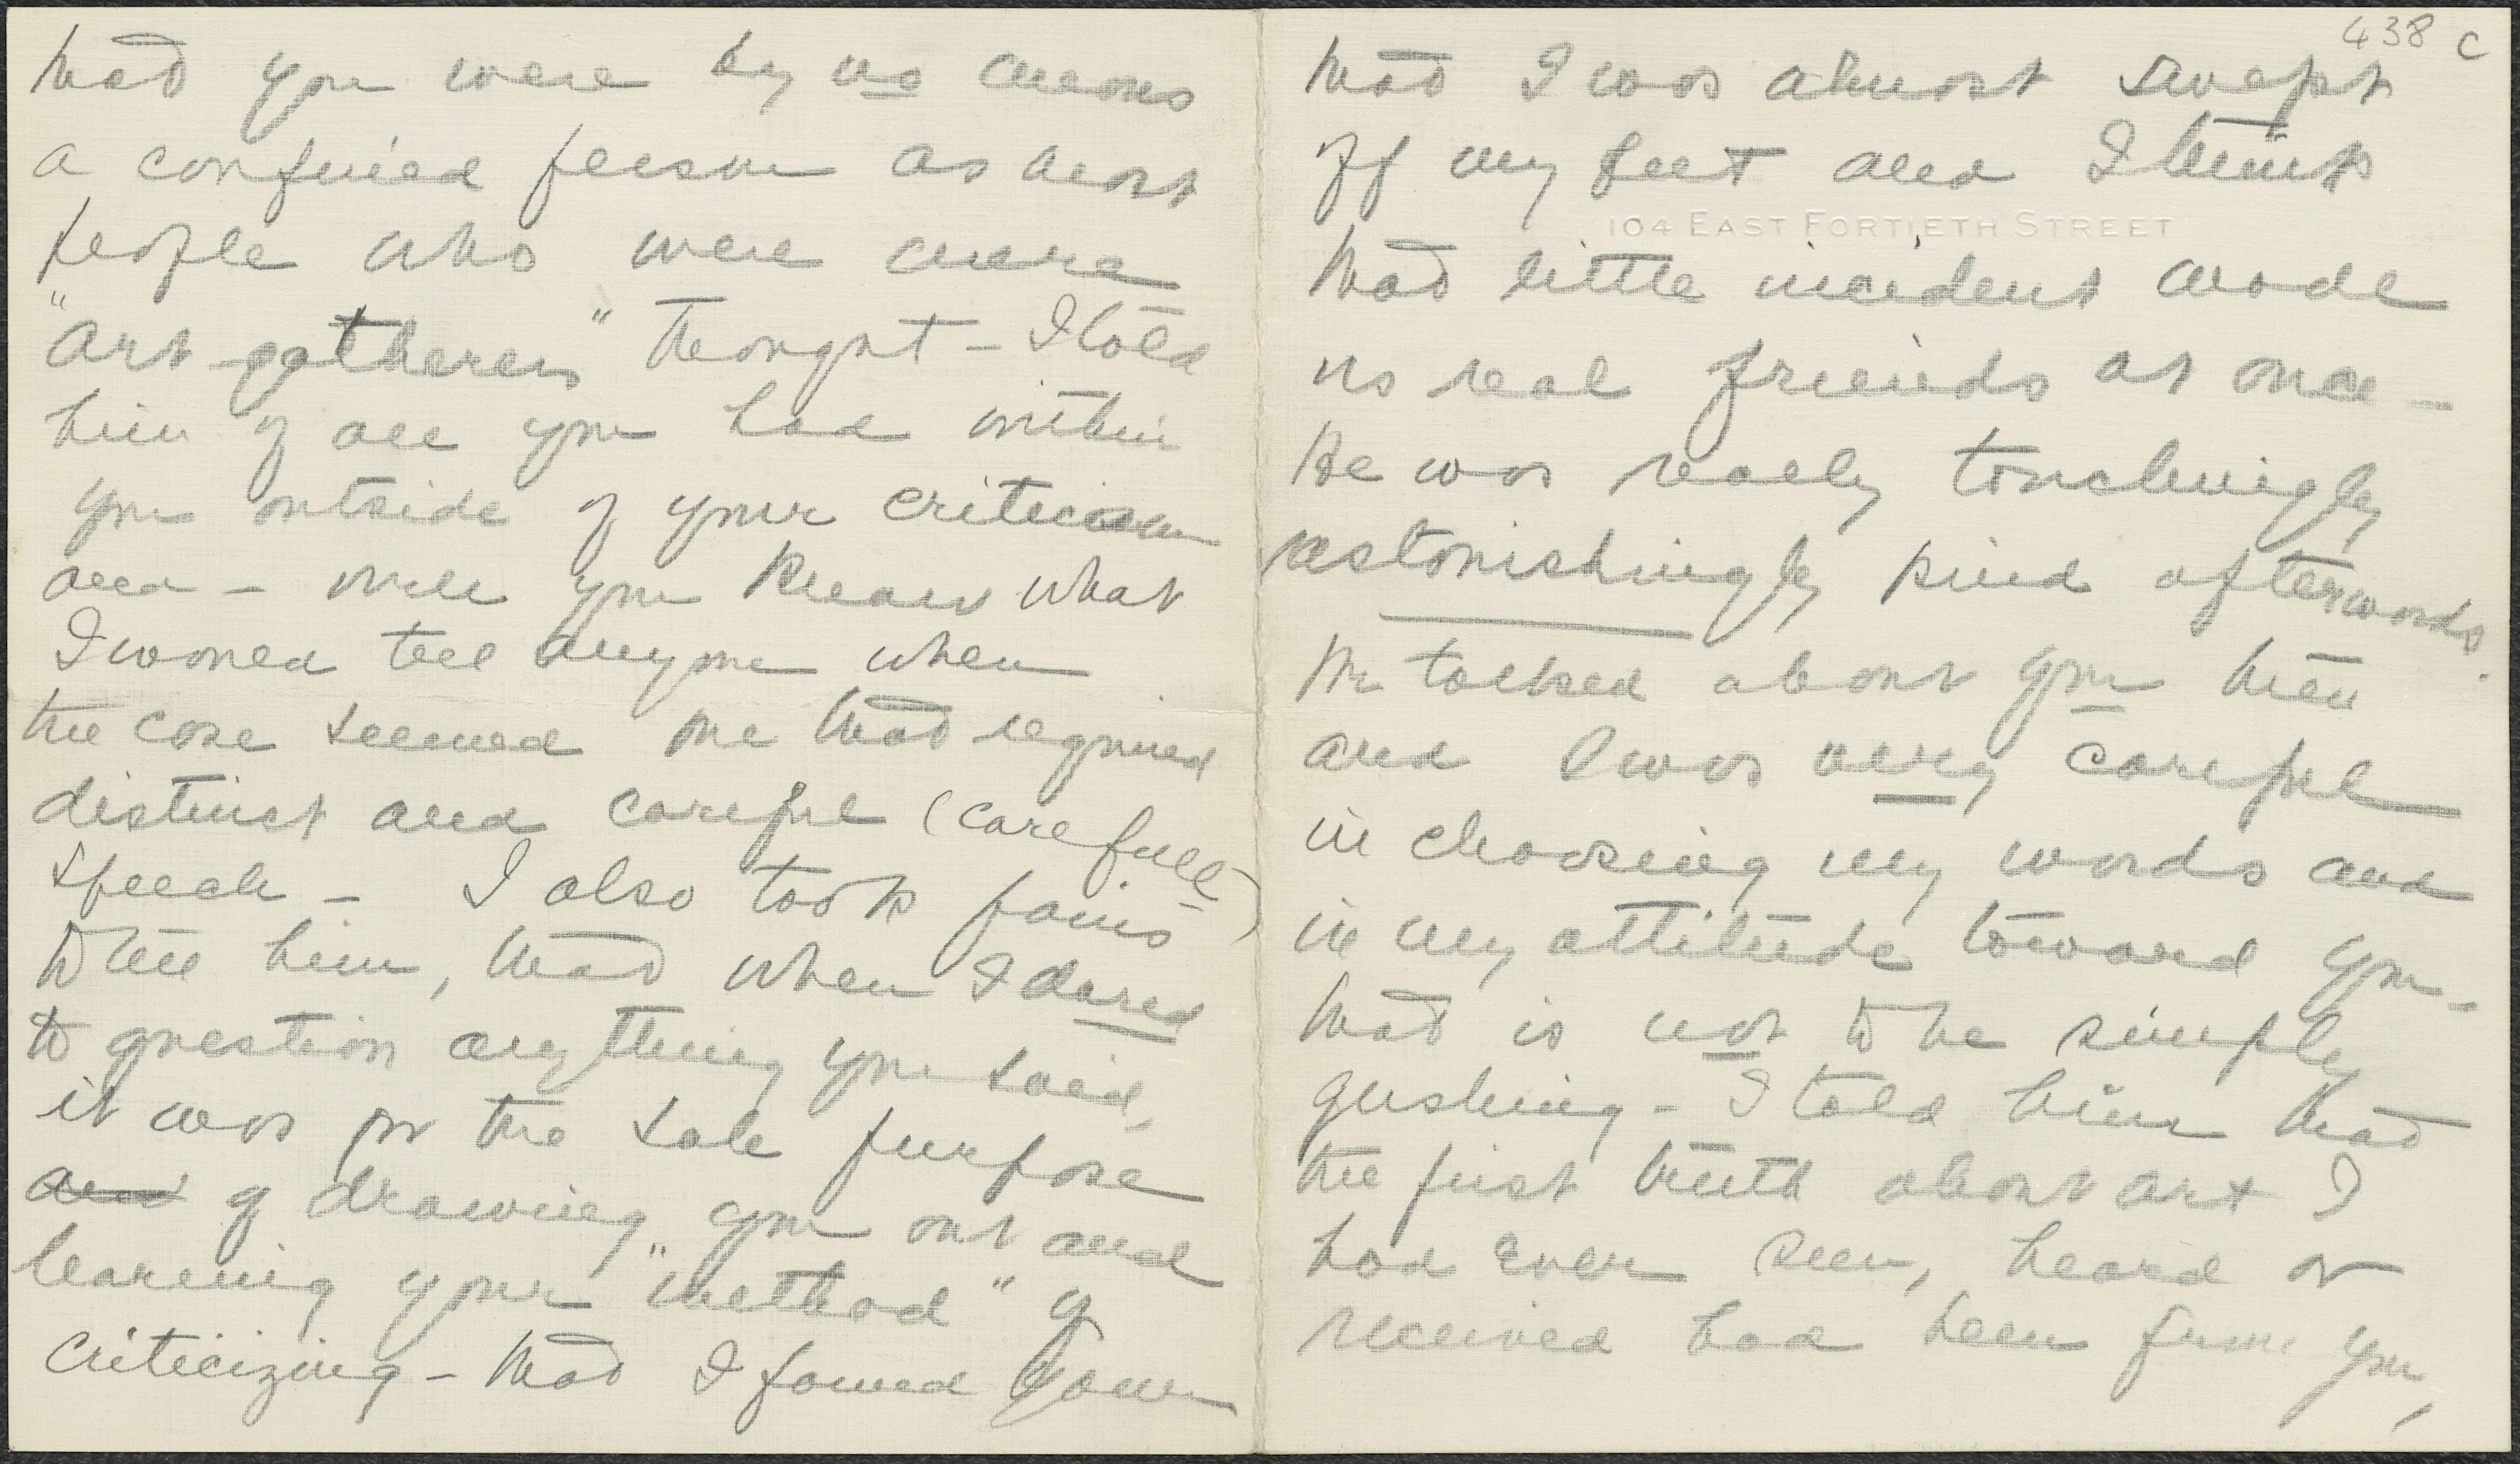that I was almost swept off my feet and I think that little incident made us real friends at once – He was really touchingly astonishingly kind afterwards. We talked about you then and I was very careful in choosing my words and in my attitude toward you – that is not to be simply gushing – I told him that the first truth about art I had ever seen, heard or received had been from you,
that you were by no means a confined person as most people who were mere “art-gatherers” thought – I told him of all you had within you outside of your criticism and – well you know what I would tell anyone when the case seemed one that required distinct and careful (carefull) speech – I also took pains to tell him, that when I dared to question anything you said, it was for the sole purpose and of drawing you out and learning your “method” of criticizing – that I found your